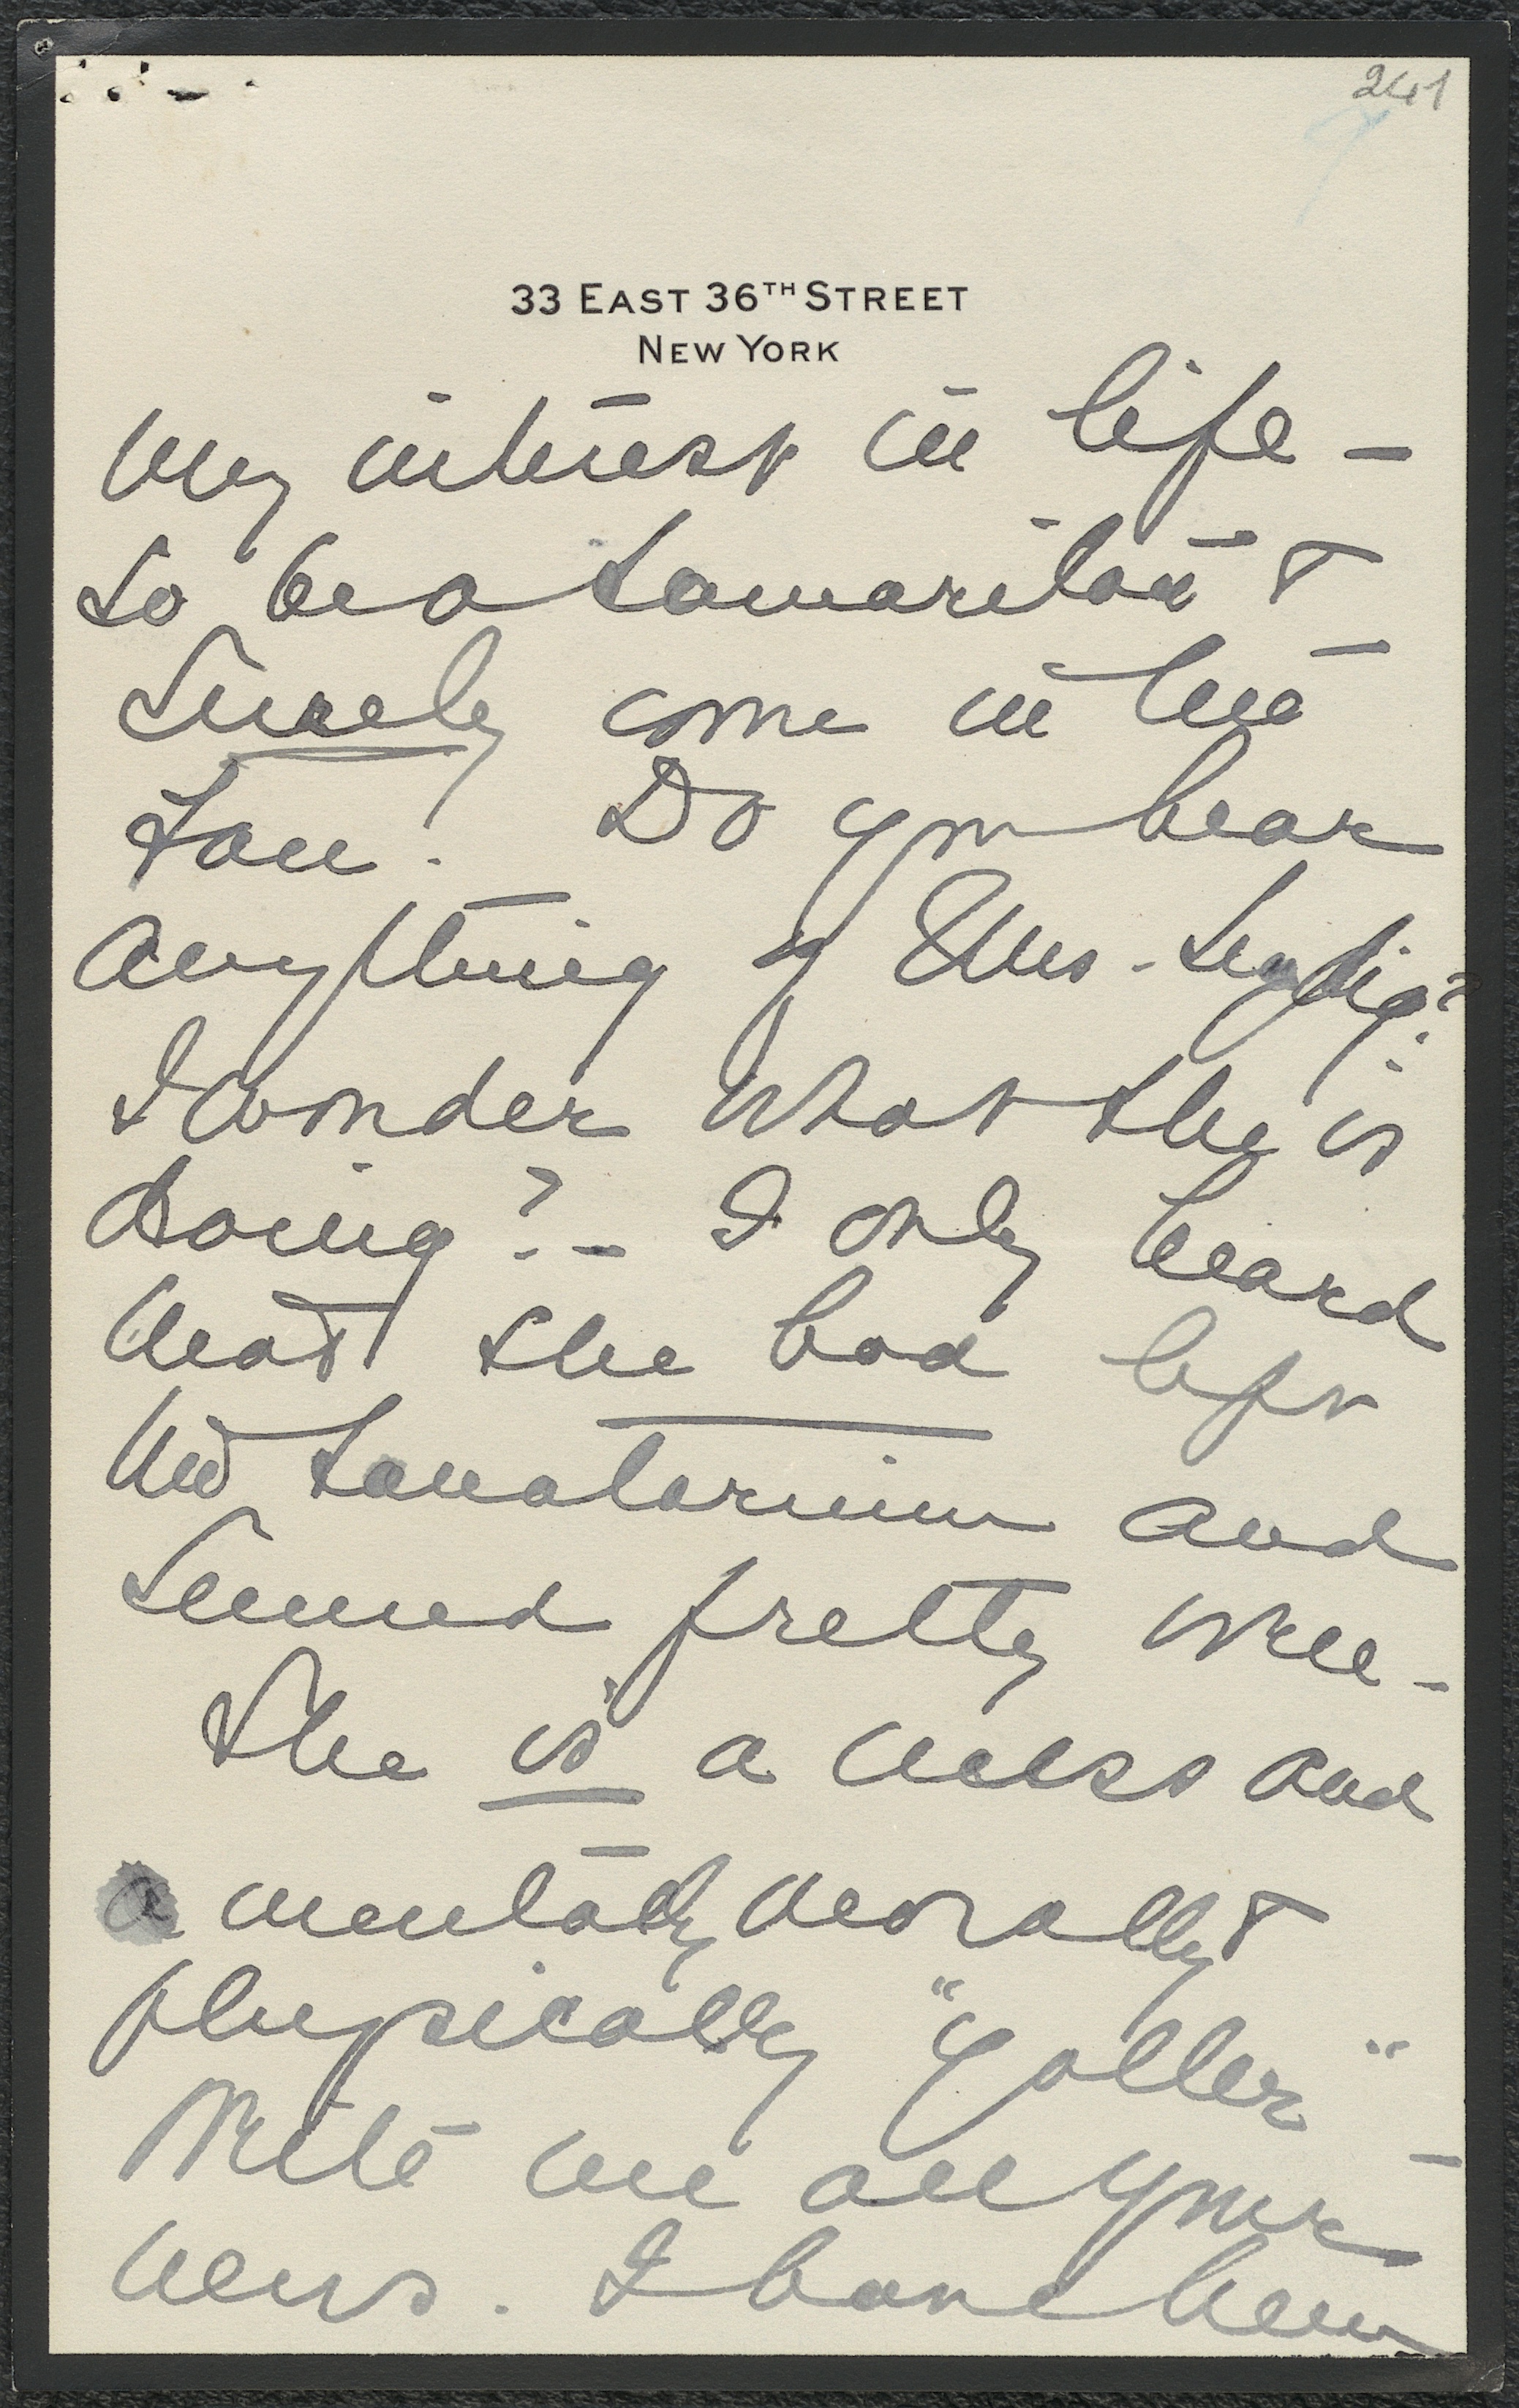my interest in life – So be a Samaritan & surely come in the Fall! Do you hear anything of Mrs. Lydig? I wonder what she is doing? – I only heard that she had left the Sanatorium and seemed pretty well – She is a mess and a mentally morally & physically “yaller” – Write me all your news. I have been